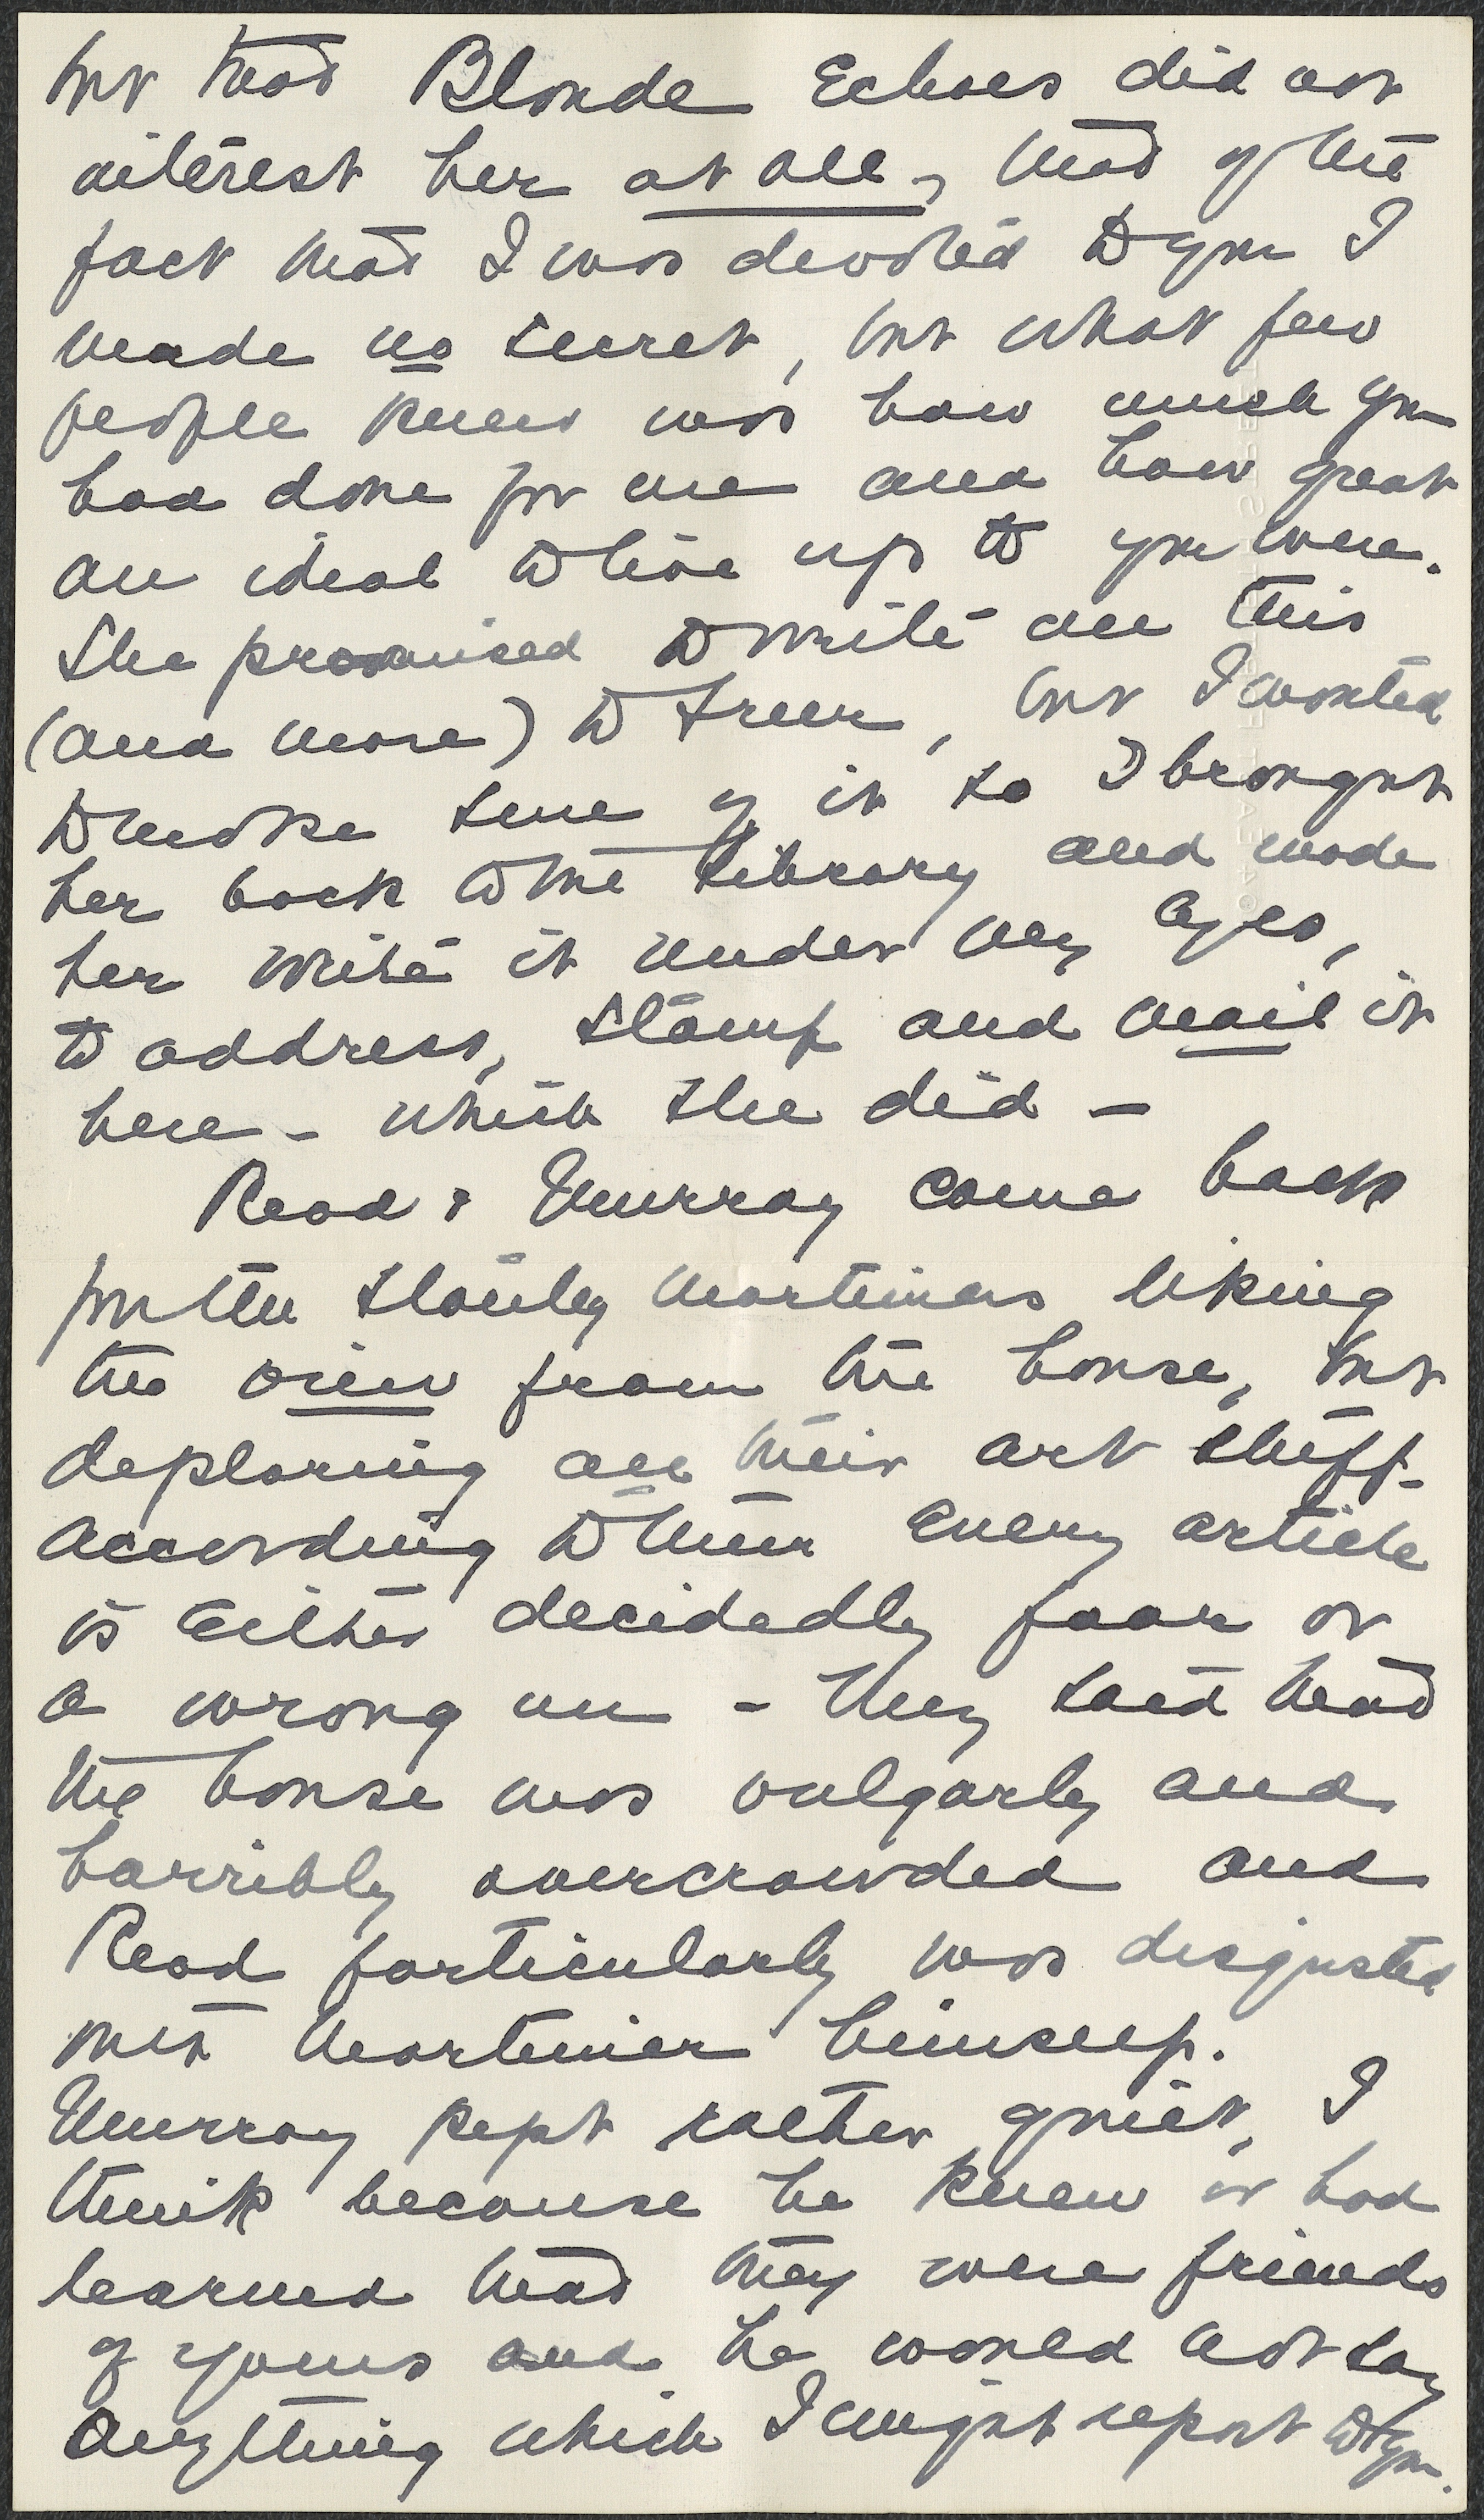but that Blonde echoes did not interest her at all, that of the fact that I was devoted to you I made no secret, but what few people knew was how much you had done for me and how great an ideal to live up to you were. She promised to write all this (and more) to Freer, but I wanted to make sure of it so I brought her back to the Library and made her write it under my eyes, to address, stamp and mail it here – which she did –
Read & Murray came back for the Stanley Mortimers liking the view from the house, but deploring all their art stuff, according to them every article is either decidedly poor or a wrong un – They said that the house was vulgarly and horribly overcrowded and Read particularly was disgusted with Mortimer himself.
Murray kept rather quiet, I think because he knew or had learned that they were friends of yours and he would not say anything which I might report to you.